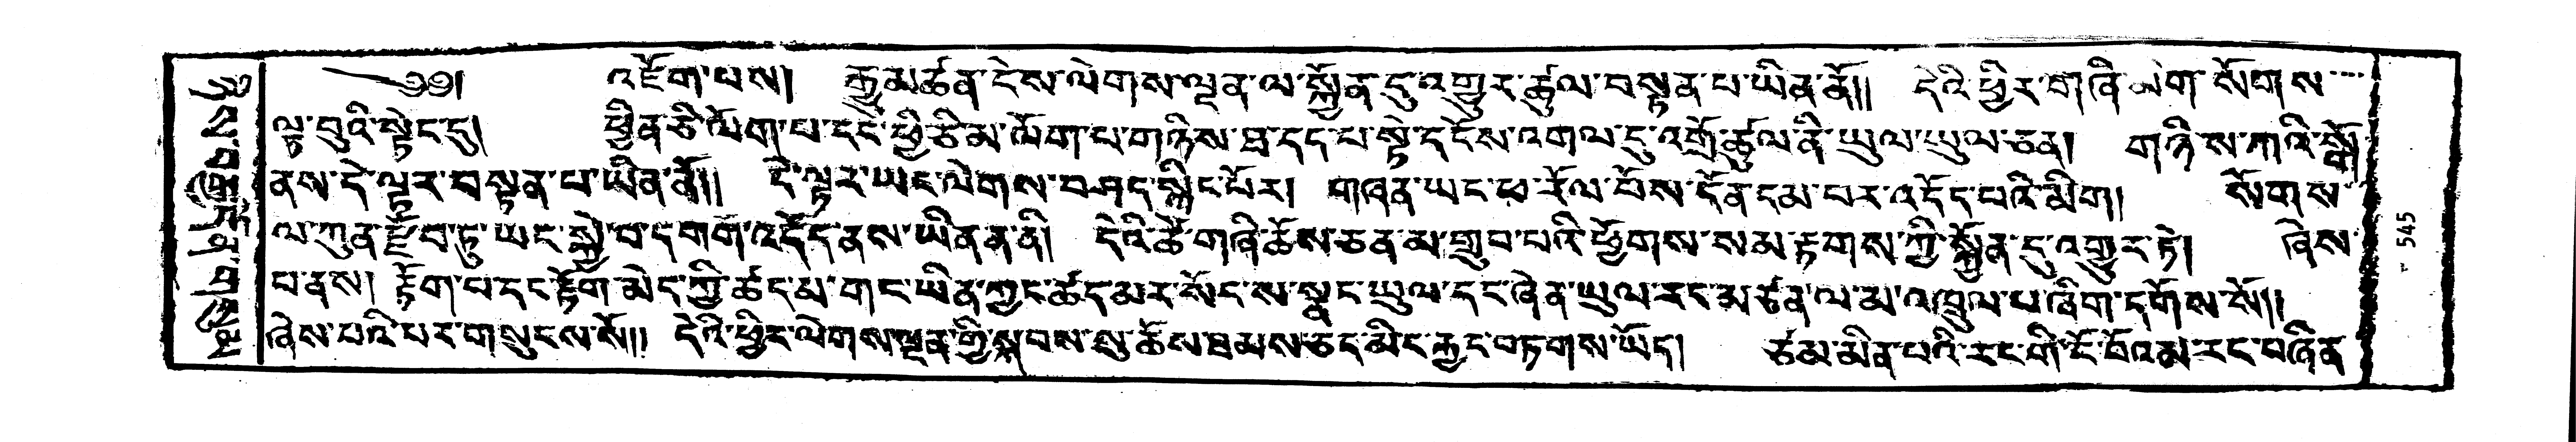༄༅། །འཇོག་པས། རྒྱུ་མཚན་ངེས་ལེགས་ལྡན་ལ་སྐྱོན་དུ་འགྱུར་ཚུལ་བསྟན་པ་ཡིན་ནོ། །དེའི་ཕྱིར་གཞི་མིག་སོགས་
ལྟ་བུའི་སྟེང་དུ། ཕྱིན་ཅི་ལོག་པ་དང་ཕྱི་ཅི་མ་ལོག་པ་གཉིས་ཐ་དད་པ་སྟེ་དངོས་འགལ་དུ་འགྲོ་ཚུལ་ནི་ཡུལ་ཡུལ་ཅན། གཉིས་ཀའི་སྒོ་
ནས་དེ་ལྟར་བསྟན་པ་ཡིན་ནོ། །དེ་ལྟར་ཡང་ལེགས་བཤད་སྙིང་པོར། གཞན་ཡང་ཕ་རོལ་པོས་དོན་དམ་པར་འདོད་པའི་མིག། སོགས་
ལ་ཀུན་རྫོབ་ཏུ་ཡང་སྐྱེ་བ་དགག་འདོད་ནས་ཡིན་ན་ནི། དེའི་ཚེ་གཞི་ཆོས་ཅན་མ་གྲུབ་པའི་ཕྱོགས་སམ་རྟགས་ཀྱི་སྐྱོན་དུ་འགྱུར་ཏེ། ཞེས་
པ་ནས། རྟོག་པ་དང་རྟོག་མེད་ཀྱི་ཚད་མ་གང་ཡིན་ཀྱང་ཚད་མར་སོང་ས་སྣང་ཡུལ་དང་ཞེན་ཡུལ་རང་མཚན་ལ་མ་འཁྲུལ་པ་ཞིག་དགོས་སོ། །
ཞེས་པའི་བར་གསུངས་སོ། །དེའི་ཕྱིར་ལེགས་ལྡན་གྱི་སྐབས་སུ་ཆོས་ཐམས་ཅད་མིང་རྐྱང་བཏགས་ཡོད། ཙམ་མིན་པའི་རང་གི་ངོ་བོའམ་རང་བཞིན་